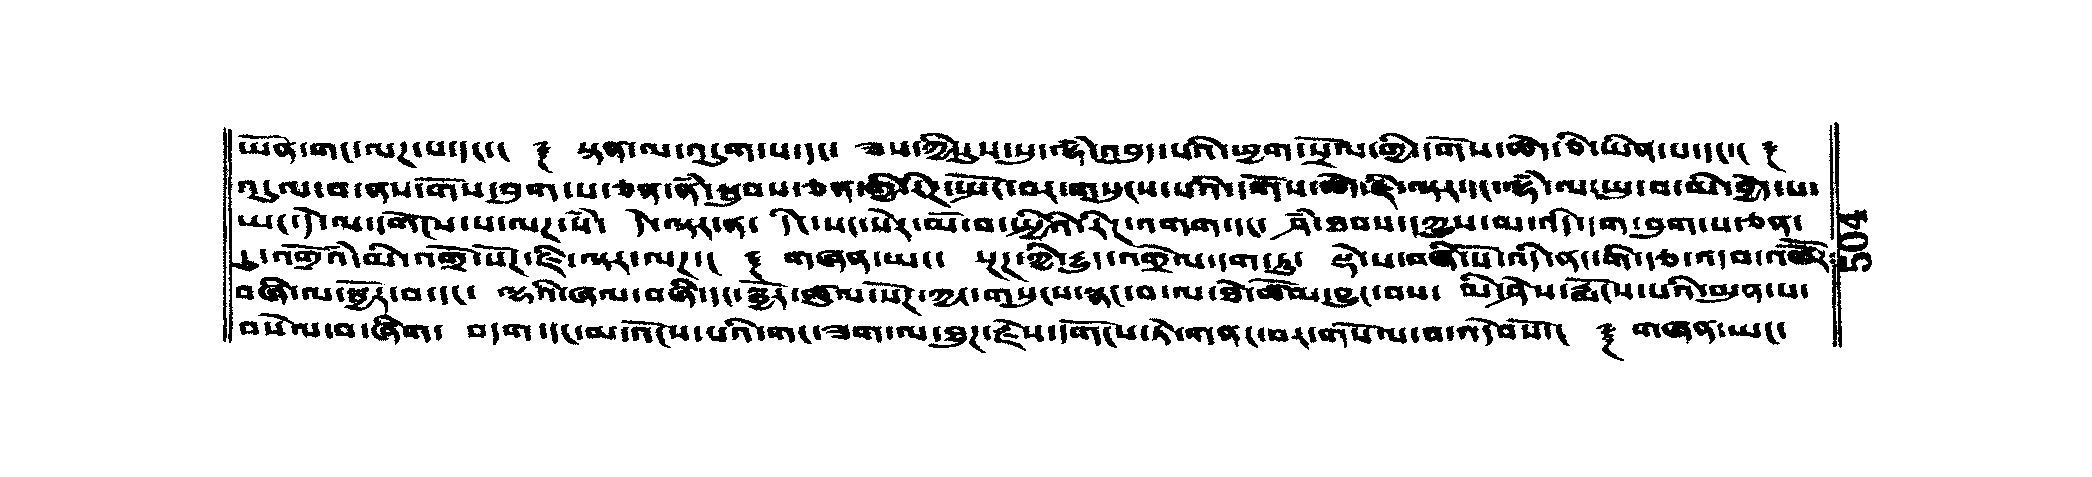ཡོན་གང་ལགས་པ་དང་། ༈ སྟན་ལ་འདུག་པ་དང་། ཟས་ཀྱི་དུས་སུ་ལྷམ་འབུད་པའི་ཕྱག་སྲོལ་གྱི་དགོས་ཆེད་ཅི་ཡིན་པ་དང་། ༈ 
འདུལ་བ་ནས་གོས་བུག་པ་ཅན་ནམ་སྦུབས་ཅན་གྱི་རིགས་སྤོང་བར་གསུངས་པའི་དགོས་ཆེད་ཇི་ལྟར་དང་། ལྷམ་ལ་ཡུ་བ་མི་བྱེད་པ་
ཡང་དེ་ལ་དགོངས་པ་ལགས་སམ། དེ་ལྟར་ན། དིང་སང་སེར་མོ་བ་སྤྱིའི་རིང་འགག་དང་། ཤམ་ཐབས་དཀྱུས་མ་འདི་དག་བུག་པ་ཅན་
དུ་འགྲོའམ་མི་འགྲོ་སོགས་ཇི་ལྟར་ལགས། ༈ གཞན་ཡང་། སྔགས་ཀྱི་རྒྱུད་འགྲེལ་དག་ཏུ། སྡེ་པ་བཞི་པོ་འདི་ནང་གི་རྩ་འདབ་འཁོར་ལོ་
བཞི་ལ་སྦྱོར་བ་དང་། ལྷའི་ཞལ་བཞི་དང་སྦྱོར་ཚུལ་སོགས་ཀྱང་གསུངས་སྣང་བ་ལ་ཐེ་ཚོམ་བྱུང་བས། མི་ཤེས་རྨོངས་པའི་མུན་པ་
སེལ་བ་ཞིག བདག་དང་མ་འོངས་པའི་གང་ཟག་ལ་ཐུགས་རྗེས་དགོངས་ཏེ་གནང་བར་གསོལ་བ་འདེབས་སོ། ༈ གཞན་ཡང་།